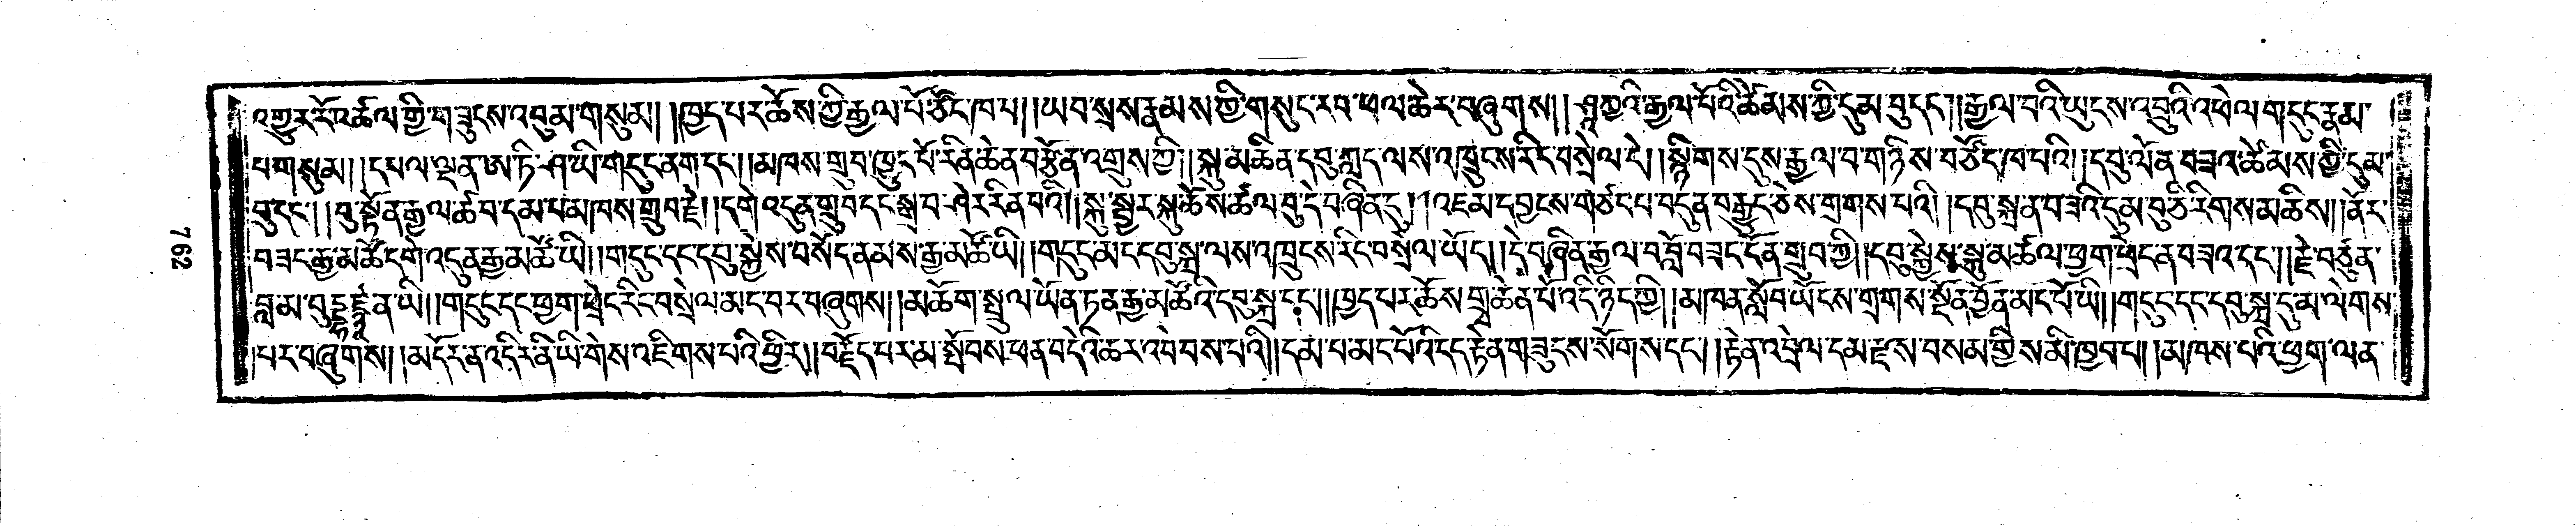འགྱུར་རོ་འཚལ་གྱི་གཟུངས་འབུམ་གསུམ། །ཁྱད་པར་ཆོས་ཀྱི་རྒྱལ་པོ་ཙོང་ཁ་པ། །ཡབ་སྲས་རྣམས་ཀྱི་གསུང་རབ་ཕལ་ཆེར་བཞུགས། །ཤཱཀྱའི་རྒྱལ་པོའི་ཚེམས་ཀྱི་དུམ་བུ་དང་། །རྒྱལ་བའི་ཡུངས་འབྲུའི་འཕེལ་གདུང་རྣམ་
པ་གསུམ། །དཔལ་ལྡན་ཨ་ཏི་ཤ་ཡི་གདུང་ནག་དང་། །མཁས་གྲུབ་ཁྱུང་པོ་རིན་ཆེན་བརྩོན་འགྲུས་ཀྱི། །སྐུ་མཆིན་དབུ་ཀླད་ལས་འཁྲུངས་རིང་བསྲེལ་རེ། །སྙིགས་དུས་རྒྱལ་བ་གཉིས་པ་ཙོང་ཁ་པའི། །དབུ་ལོ་ན་བཟའ་ཚེམས་ཀྱི་དུམ་
བུ་དང་། །བུ་སྟོན་རྒྱལ་ཚབ་དམ་པ་མཁས་གྲུབ་རྗེ། །དགེ་འདུན་གྲུབ་དང་སྒྲ་པ་ཤེར་རིན་པའི། །སྐུ་སྦྱར་སྐུ་ཆོས་ཚལ་བུ་དེ་བཞིན་དུ། །འཇམ་དབྱངས་གཙང་པ་བདུན་བརྒྱུད་ཅེས་གྲགས་པའི། །དབུ་སྐྲ་ན་བཟའི་དུམ་བུ་ཅི་རིགས་མཆིས། །ནོར་
བཟང་རྒྱ་མཚོ་དགེ་འདུན་རྒྱ་མཚོ་ཡི། །གདུང་དང་དབུ་སྐྱེས་བསོད་ནམས་རྒྱ་མཚོ་ཡི། །གདུང་མང་དབུ་སྐྲ་ལས་འཁྲུངས་རིང་བསྲེལ་ཡོད། །དེ་བཞིན་རྒྱལ་བ་བློ་བཟང་དོན་གྲུབ་ཀྱི། །དབུ་སྐྱེས་སྐུ་མཚལ་ཕྱག་ཕྲེང་ན་བཟའ་དང་། །རྗེ་བཙུན་
བླ་མ་བུདྡྷ་ཛྙཱ་ན་ཡི། །གདུང་དང་ཕྱག་ཕྲེང་རིང་བསྲེལ་མང་བར་བཞུགས། །མཆོག་སྤྲུལ་ཡོན་ཏན་རྒྱ་མཚོའི་དབུ་སྐྲ་དང་། །ཁྱད་པར་ཆོས་གྲྭ་ཆེན་པོ་འདི་ཉིད་ཀྱི། །མཁན་སློབ་ཡོངས་གྲགས་སྔོན་བྱོན་མང་པོ་ཡི། །གདུང་དང་དབུ་སྐྲ་དུ་མ་ལེགས་
པར་བཞུགས། །མདོར་ན་འདིར་ནི་ཡི་གེས་འཇིགས་པའི་ཕྱིར། །བརྗོད་པར་མ་སྤོབས་ཕན་བདེའི་ཆར་འབེབས་པའི། །དམ་པ་མང་པོའི་དད་རྟེན་གཟུངས་སོགས་དང་། །རྟེན་འབྲེལ་དམ་རྫས་བསམ་གྱིས་མི་ཁྱབ་པ། །མཁས་པའི་ཕྱག་ལེན་